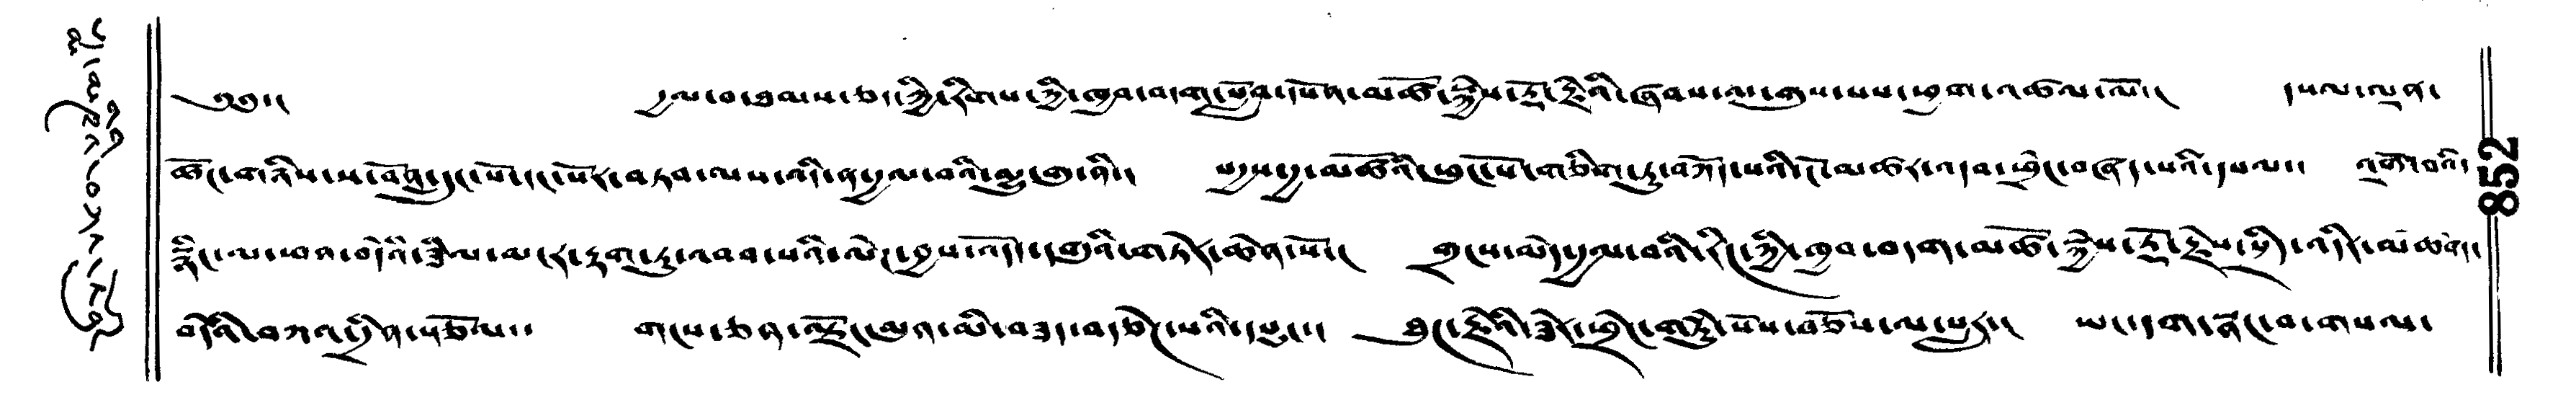༄༅། རྒྱལ་བ་ཐམས་ཅད་ཀྱི་རིགས་ཀྱི་ཁྱབ་བདག་སློབ་དཔོན་མཚོ་སྐྱེས་རྡོ་རྗེའི་ཞབས་ལ་གུས་པས་ཕྱག་འཚལ་ལོ། དཔལ་ལྡན་
ཚོགས་གཉིས་ས་བོན་གྲུང་པོ་དང་པོར་བཏབ་ལས་འདི་ན་རྒྱལ་བའི་མྱུ་གུ་ནི། །སངས་རྒྱས་རྒྱ་མཚོའི་ཕུང་པོ་གཅིག་ཏུ་བཀོད་པའི་ངོ་མཚར་འདབ་ཕྲེང་བཞད་པའི་དཔལ། །འགྲོ་བའི་
སྙིང་ལ་ཕན་བདེའི་ཟིལ་མངར་རྟག་ཏུ་འབེབ་པའི་ལེགས་བྱས་འདོད་དགུའི་གཏེར་ཆེན་པོ། །གྲངས་མེད་རྒྱལ་བའི་རིགས་ཀྱི་ཁྱབ་བདག་མཚོ་སྐྱེས་རྡོ་རྗེས་སྲིད་འདིར་མཆོག་
བདེའི་བཀའ་དྲིན་སྩོལ། གངས་ཅན་ལྗོངས་མུན་མི་བཟད་བརྩེགས་པའི་དཔུང་། །ཐུགས་རྗེའི་ཟེར་ཕྲེང་གཏུམ་པོས་བཅོམ་ནས་སླར། །ཡང་དག་སྣང་བས་གསལ་